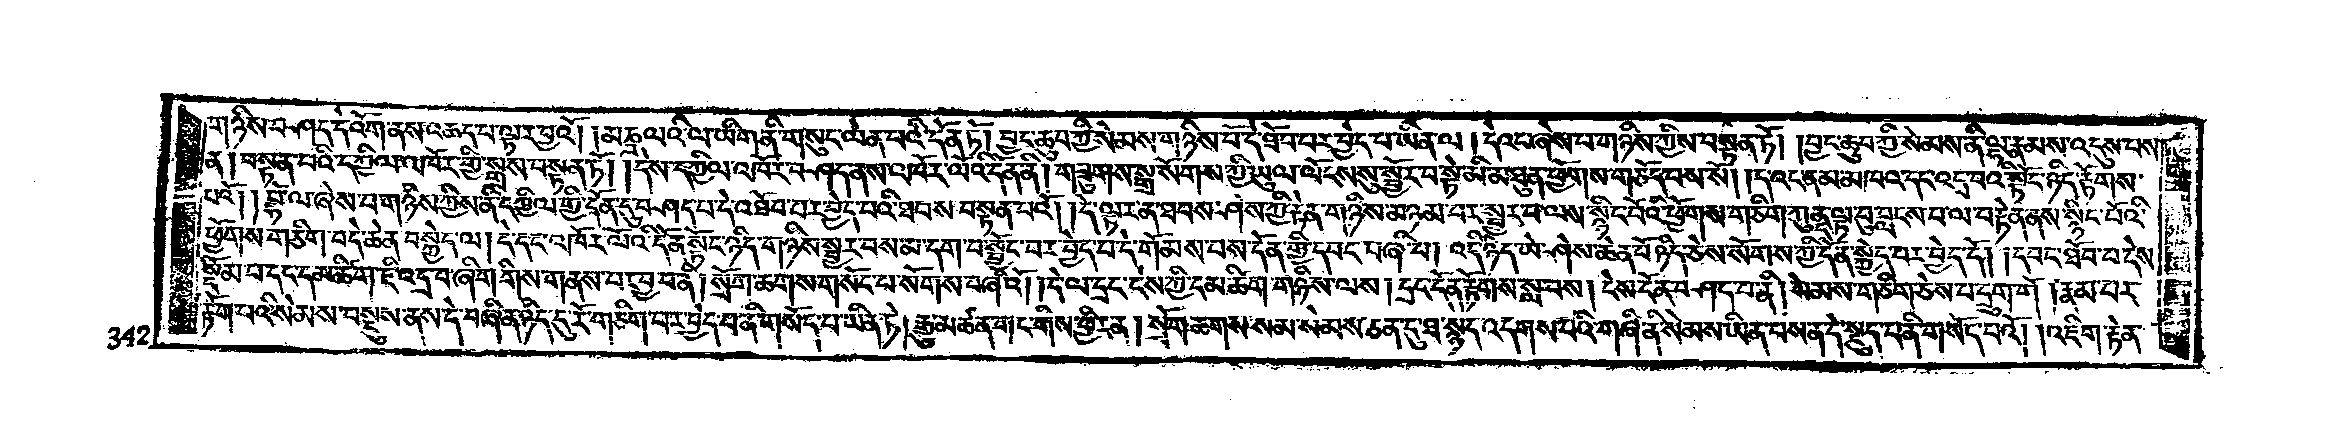གཉིས་བཤད་དེ་འོག་ནས་འཆད་པ་ལྟར་བྱའོ། །མཎྜལཱི་ལ་ཡིག་ནི་གསུང་ལེན་པའི་དོན་ཏོ། བྱང་ཆུབ་ཀྱི་སེམས་གཉིས་པོ་དེ་ཐོབ་པར་བྱེད་པ་ཡིན་ལ། དེའང་ཞེས་པ་གཉིས་ཀྱིས་བསྟོན་ཏོ། །བྱང་ཆུབ་ཀྱི་སེམས་ནི་ལྷ་རྣམས་འདུས་པས་
ན། བསྟན་པའི་དཀྱིལ་འཁོར་གྱི་སྒྲས་བསྟན་ཏོ། །དེས་དཀྱིལ་འཁོར་བཤད་ནས་འཁོར་ལོའི་དོན་ནི། གཟུགས་སྒྲ་སོགས་ཀྱི་ཡུལ་ལོངས་སུ་སྦྱོར་བ་སྟེ་མི་མཐུན་ཕྱོགས་གཅོད་པས་སོ། །དེ་འང་ནམ་མཁའ་དང་འདྲ་བའི་སྟོང་ཉིད་རྟོགས་
པའོ། །བྷོ་ལ་ཞེས་པ་གཉིས་ཀྱིས་ནི་དཀྱིལ་འཁོར་གྱི་དོན་དུ་བཤད་པ་དེ་འཐོབ་པར་བྱེད་པའི་ཐབས་བསྟན་པའོ། །དེ་ལྟར་ན་ཐབས་ཤེས་ཀྱི་རྟེན་གཉིས་མཉམ་པར་སྦྱར་བ་ལས་སྙིང་པོའི་ཕྱོགས་གཅིག་ཀུནད་ལྟ་བུ་བླངས་པ་ལ་བརྟེན་ནས་སྙིང་པོའི་
ཕྱོགས་གཅིག་བདེ་ཆེན་བསྐྱེད་ལ། དེ་དང་འཁོར་ལོའི་དོན་སྟོང་ཉིད་གཉིས་སྦྱར་བས་མ་དག་པ་སྦྱོང་བར་བྱེད་པ་དེ་གོམས་པས་དོན་གྱི་དབང་བཞི་པ། འདི་ཉིད་ཡེ་ཤེས་ཆེན་པོ་ཉིད་ཅེས་སོགས་ཀྱི་དོན་སྐྱེད་པར་བྱེད་དོ། །དབང་ཐོབ་པ་དེས་
སྡོམ་པ་དང་དམ་ཚིག་ཇི་འདྲ་བ་ཞིག་གིས་གནས་པར་བྱ་བ་ནི། སྲོག་ཆགས་གསོང་པ་སོགས་བཞིའོ། །དེ་ལ་དྲང་ངེས་ཀྱི་དམ་ཚིག་གཉིས་ལས། དྲང་དོན་རྟོགས་སླ་བས། ངེས་དོན་བཤད་པ་ནི། སེམས་གཅིག་ཅེས་པ་དྲུག་གོ །རྣམ་པར་
རྟོག་པའི་སེམས་བསྡུས་ནས་དེ་བཞིན་ཉིད་དུ་རོ་གཅིག་པར་བྱེད་པ་ནི་གསོད་པ་ཡིན་ཏེ། རྒྱུ་མཚན་གང་གིས་ཕྱིར་ན། སྲོག་ཆགས་སམ་སེམས་ཅན་དུ་ཐ་སྙེད་འདགས་པའི་གཞི་ནི་སེམས་ཡིན་པས་ན་དེ་སྡུད་པ་ནི་གསོད་པའོ། །འཇིག་རྟེན་